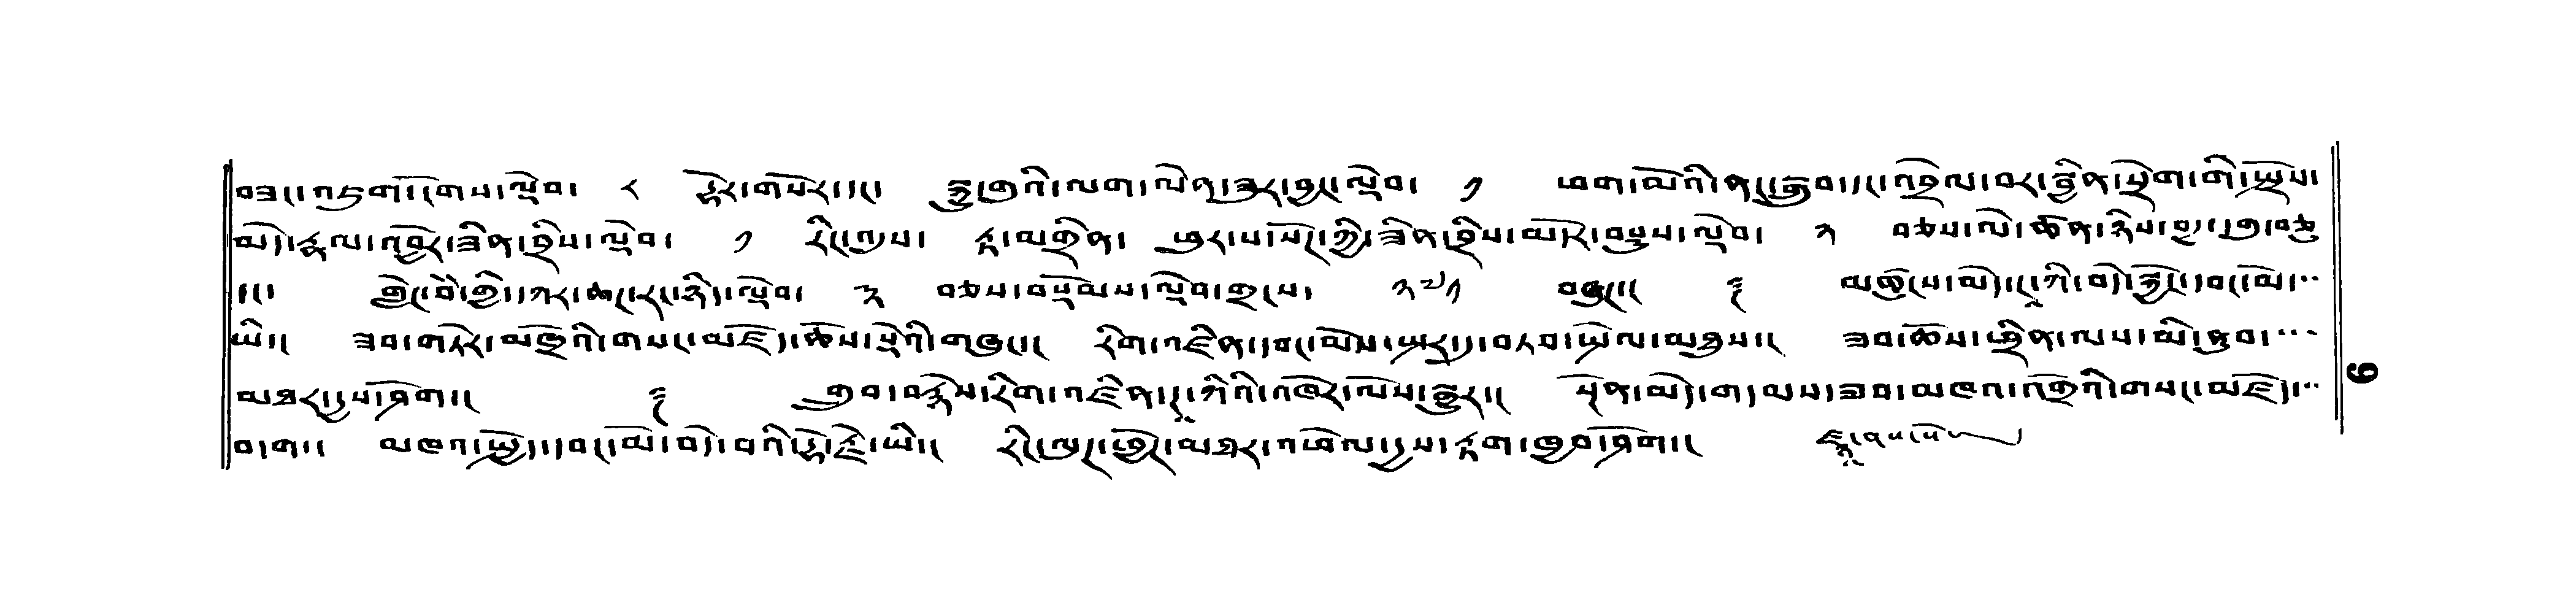བཟང་འཇུག་ངོགས་ལྡེབ། རྡོར་གསོར་དང་། སྐྱུ་གུའི་ལག་ལེན་ཟུར་བྱང་ལྡེབ། ཕག་མོའི་ནང་སྒྲུབ་དང་འབྲེལ་བར་སྦྱིན་སྲེག་གི་སྤྲོས་
མེད་རྣལ་འབྱོར་ཟིན་བྲིས་ལྡེབ། རིག་འདུས། རྟ་མགྲིན། ཕུར་པ་སོགས་ཀྱི་ཟིན་བྲིས་མདོར་བསྡུས་ལྡེབ། བཅས་ལེ་ཚན་ཉིས་བརྒྱ་དགུ་བཅུ་
དང་། གླེགས་བམ་གྱི་དཀར་ཆག་རང་ཉིད་ལྡེབ། བཅས་བསྡོམས་ལྡེབ་གྲངས། བཞུགས། མཚུངས་མེད་ཌཱ་ཀི་བདེ་སྐྱོང་དབང་མོ་
ཡི། །ཟབ་གཏེར་མཁའ་འགྲོའི་གསང་མཛོད་ཆོས་སྡེའི་གཞུང་། །རིག་འཛིན་དབང་མོས་སྤར་དུ་བཏབ་སྤེལ་མཐུས། །ཟབ་ཆོས་ཕྲིན་ལས་མི་ནུབ་
མཐར་རྒྱས་ཤོག ༈ །གྲུབ་བརྙེས་རིག་འཛིན་ཌཱ་ཀིའི་འཁོར་ལོས་སྒྱུར། །སྔོན་མེད་གདམས་ཟབ་མཁའ་འགྲོའི་གསང་མཛོད་
བདག །མཁའ་སྤྱོད་དབང་མོ་བདེ་བའི་རྡོ་རྗེ་ཡི། །རིང་ལུགས་ཕྱོགས་མཐར་འཕེལ་རྒྱས་རྟག་ཁྱབ་ཤོག ཛྙཱ་ནས་སོ།